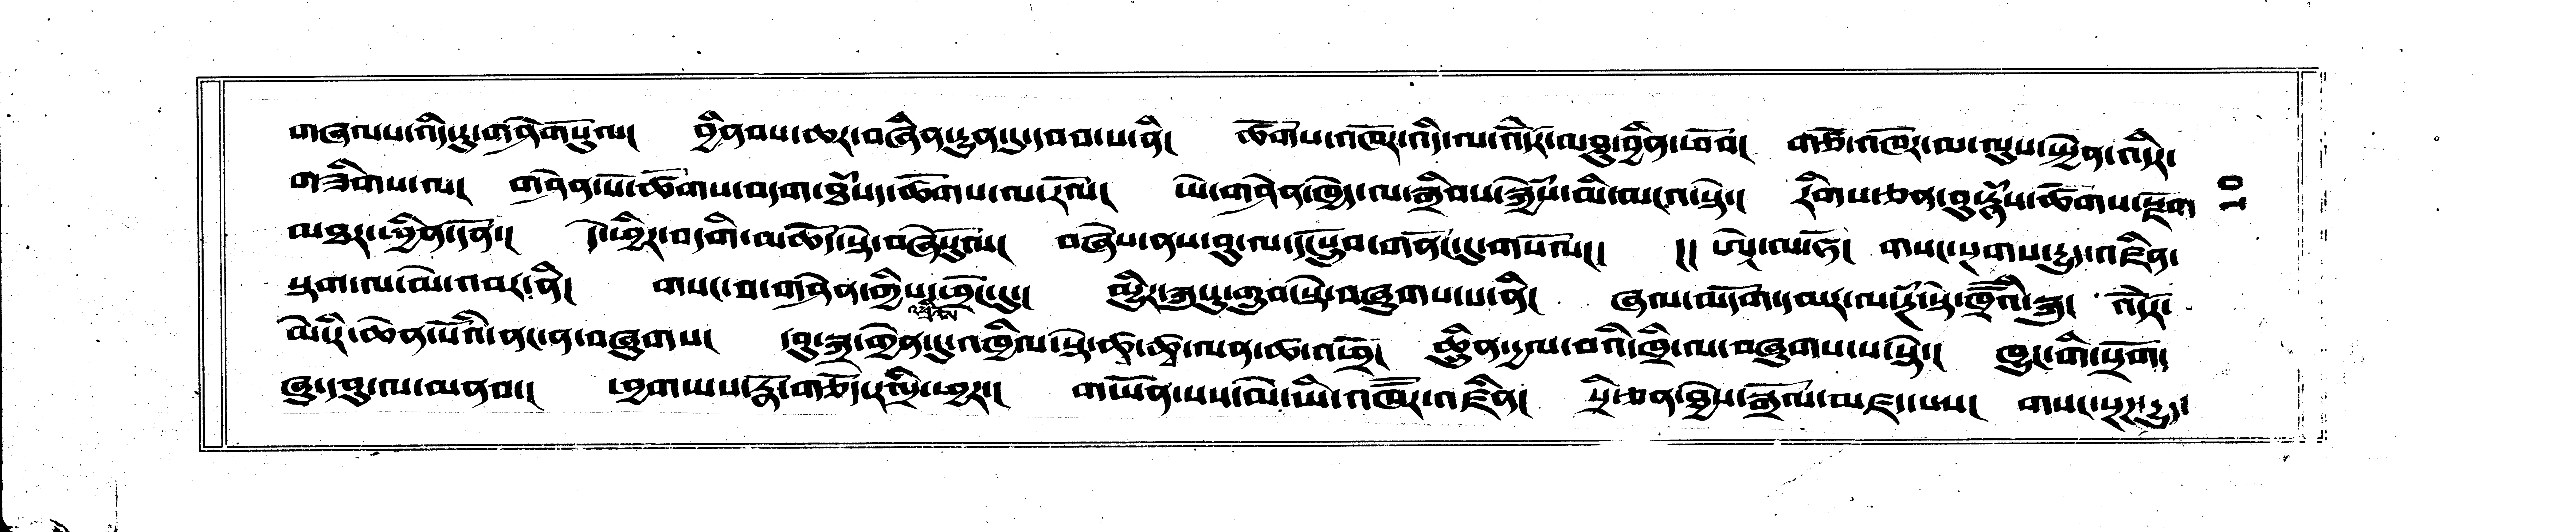གཞལ་ཡས་འདི་རུ་གཤེགས་སུ་གསོལ། བྱིན་རླབས་ཆར་བཞིན་རྒྱུན་དུ་དབབ་པ་ནི། ཚོགས་འཁོར་འདི་ལ་འོད་ཟེར་མཐུ་བྱིན་ཕོབ། གཙོ་འཁོར་མ་ལུས་སྤྱན་འདྲེན་འདིར་
གཟིགས་ལ། གཤེན་པོ་ཚོགས་བདག་ཐམས་ཅད་ཚོགས་ལ་རོལ། ཡེ་གཤེན་ཁྱེད་ལ་སྒྲིབས་སྐྱེམས་མི་མངའ་སྟེ། རིགས་ཅན་བུ་རྣམས་ཚོགས་རྫོགས་
མཐར་ཕྱིན་དོན། དེ་ཕྱིར་བདག་གི་མཆོད་སྡེ་བཞེས་སུ་གསོལ། བཞེས་ནས་བུ་ལ་དངོས་གྲུབ་གནོང་དུ་གསོལ།། ཨེ་མ་ཧོ། གསང་སྔགས་རྒྱུད་འཛིན་
སྟག་ལ་མེ་འབར་ནི། གསང་བ་གཤེན་གྱིས་འཕྲིན་ལས་ཕོ་བྲང་དུ། མི་འགྱུར་སྐུ་རུ་གྲུབ་སྟེ་བཞུགས་པ་ནི། ཞལ་མདོག་དམར་ལ་རྔམ་སྟེ་ཁྲོ་བོའི་སྐུ། འོད་ཟེར་
མེ་རི་ཆེན་པོའི་ནང་ན་བཞུགས། དབུ་སྐྲ་གྱེན་དུ་འཁྱིལ་སྟེ་ཚྭ་ཚྭ་ལན་ཚ་འཕྲོ། ཆུ་སྲིན་རྒྱལ་བའི་ཁྲི་ལ་བཞུགས་པ་སྟེ། ཁྱུང་གི་པྲོག་
ཞུ་དབུ་ལ་མནབ། ཕྱག་གཡས་རྣོ་གཅོད་རལ་གྲི་ཕྱར། གཡོན་པས་མེ་ཡི་འཁོར་ལོ་འཛིན། སྲི་ཅན་ཐུགས་རྗེ་སྒྲོལ་མཛད་པས། གསང་སྔགས་རྒྱུད་